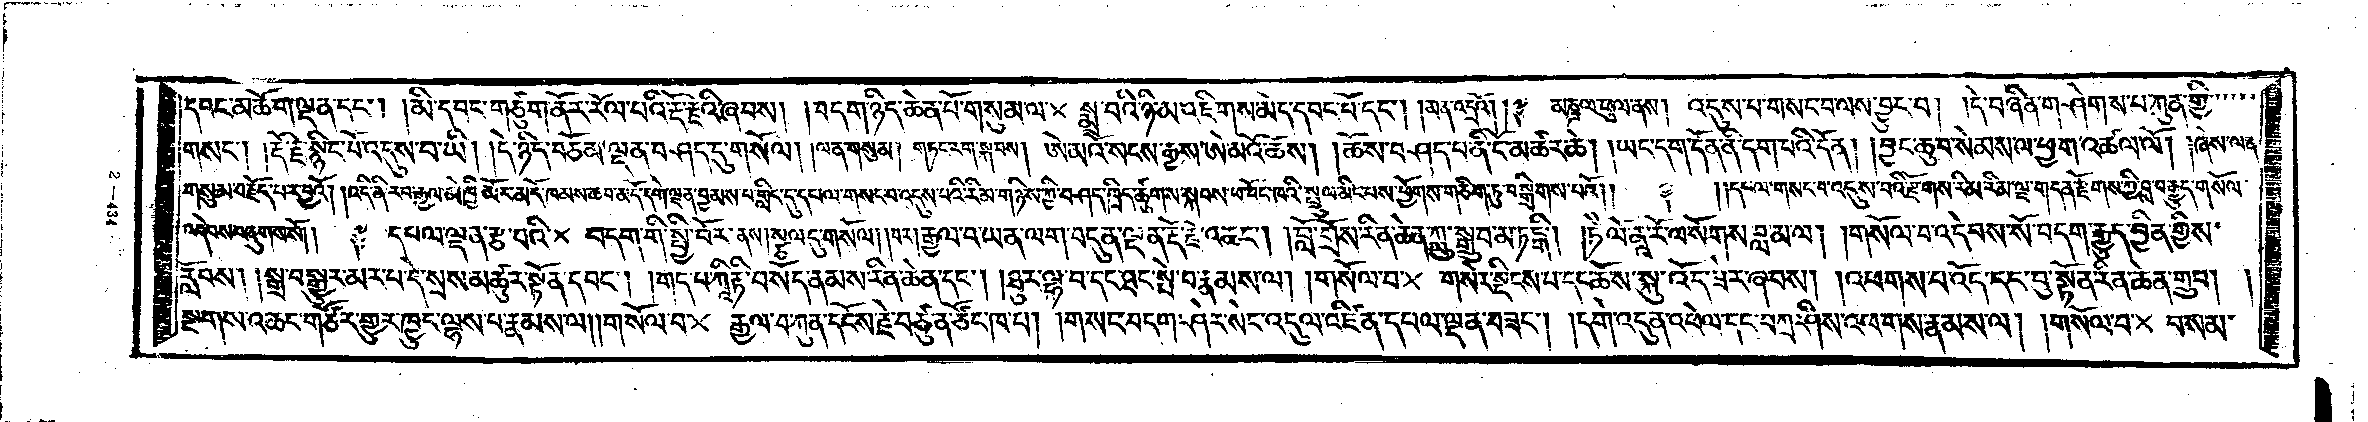དབང་མཆོག་ལྡན་དང་། །མི་དབང་གཙུག་ནོར་རོལ་པའི་རྡོ་རྗེའི་ཞབས། །བདག་ཉིད་ཆེན་པོ་གསུམ་ལ་྾་སྨྲ་བའི་ཉི་མ་འཇིགས་མེད་དབང་པོ་དང་། །མན་འདྲའོ། །༈ མཎྜལ་ཕུལ་ནས།  འདུས་པ་གསང་བ་ལས་བྱུང་བ། །དེ་བཞིན་གཤེགས་པ་ཀུན་གྱི་
གསང་། །རྡོ་རྗེ་སྙིང་པོ་འདུས་བ་ཡི། །དེ་ཉིད་བཅོམ་ལྡན་བཤད་དུ་གསོལ། །ལན་གསུམ། གཏང་རག་སྐབས།  ཨེ་མའོ་སངས་རྒྱས་ཨེ་མའོ་ཆོས། །ཆོས་བཤད་པ་ནི་ངོ་མཚར་ཆེ། །ཡང་དག་དོན་ནི་དག་པའི་དོན། །བྱང་ཆུབ་སེམས་ལ་ཕྱག་འཚལ་ལོ། །ཞེས་ལན་
གསུམ་བརྗོད་པར་བྱའོ། །འདི་ནི་རབ་རྒྱལ་མེ་ཁྱི་མོར་མདོ་ཁམས་ཆབ་མདོ་དགེ་ལྡན་བྱམས་པ་གླིང་དུ་དཔལ་གསང་བ་འདུས་པའི་རིམ་གཉིས་ཀྱི་བཤད་ཁྲིད་ཚུགས་སྐབས་ཕ་བོང་ཁའི་སྤྲུལ་མིང་པས་ཕྱགས་གཅིག་ཏུ་བསྒྲིགས་པའོ།། ༈ །།དཔལ་གསང་བ་འདུས་པའི་རྫོགས་རིམ་རིམ་ལྔ་གདན་རྫོགས་ཀྱི་བླ་བརྒྱུད་གསོལ་
འདེབས་བཞུགས་སོ།། ༈ དཔལ་ལྡན་རྩ་བའི་྾་བདག་གི་སྤྱི་བོར་ནས། སྩལ་དུ་གསོལ། །བར་། རྒྱལ་བ་ཡན་ལག་བདུན་ལྡན་རྡོ་རྗེ་འཆང་། །བློ་གྲོས་རིན་ཆེན་ཀླུ་སྒྲུབ་མ་ཏངྒི། །ཏཻ་ལོ་ནཱ་རོ་ལ་སོགས་བླ་མ་ལ། །གསོལ་བ་འདེབས་སོ་བདག་རྒྱུད་བྱིན་གྱིས་
རློབས། །སྒྲ་བསྒྱུར་མར་པ་དེ་སྲས་མཚུར་སྟོན་དབང་། །གད་པ་ཀཱིརྟི་བསོད་ནམས་རིན་ཆེན་དང་། །ཐུར་ལྷ་བ་དང་ཐང་སྤེ་བ་རྣམས་ལ། །གསོལ་བ་྾་གསེར་སྡིངས་པ་དང་ཆོས་སྐུ་འོད་ཟེར་ཞབས། །འཕགས་བ་འོད་དང་བུ་སྟོན་རིན་ཆེན་གྲུབ། །
སྔགས་འཆང་གཙོར་གྱུར་ཁྱུང་ལྷས་པ་རྣམས་ལ། །གསོལ་བ་྾་རྒྱལ་བ་ཀུན་དངོས་རྗེ་བཙུན་ཙོང་ཁ་པ། །གསང་བདག་ཤེར་སེང་འདུལ་འཛིན་དཔལ་ལྡན་བཟང་། །དགེ་འདུན་འཕེལ་དང་བཀྲ་ཤིས་འཕགས་རྣམས་ལ། །གསོལ་བ་྾་བསམ་